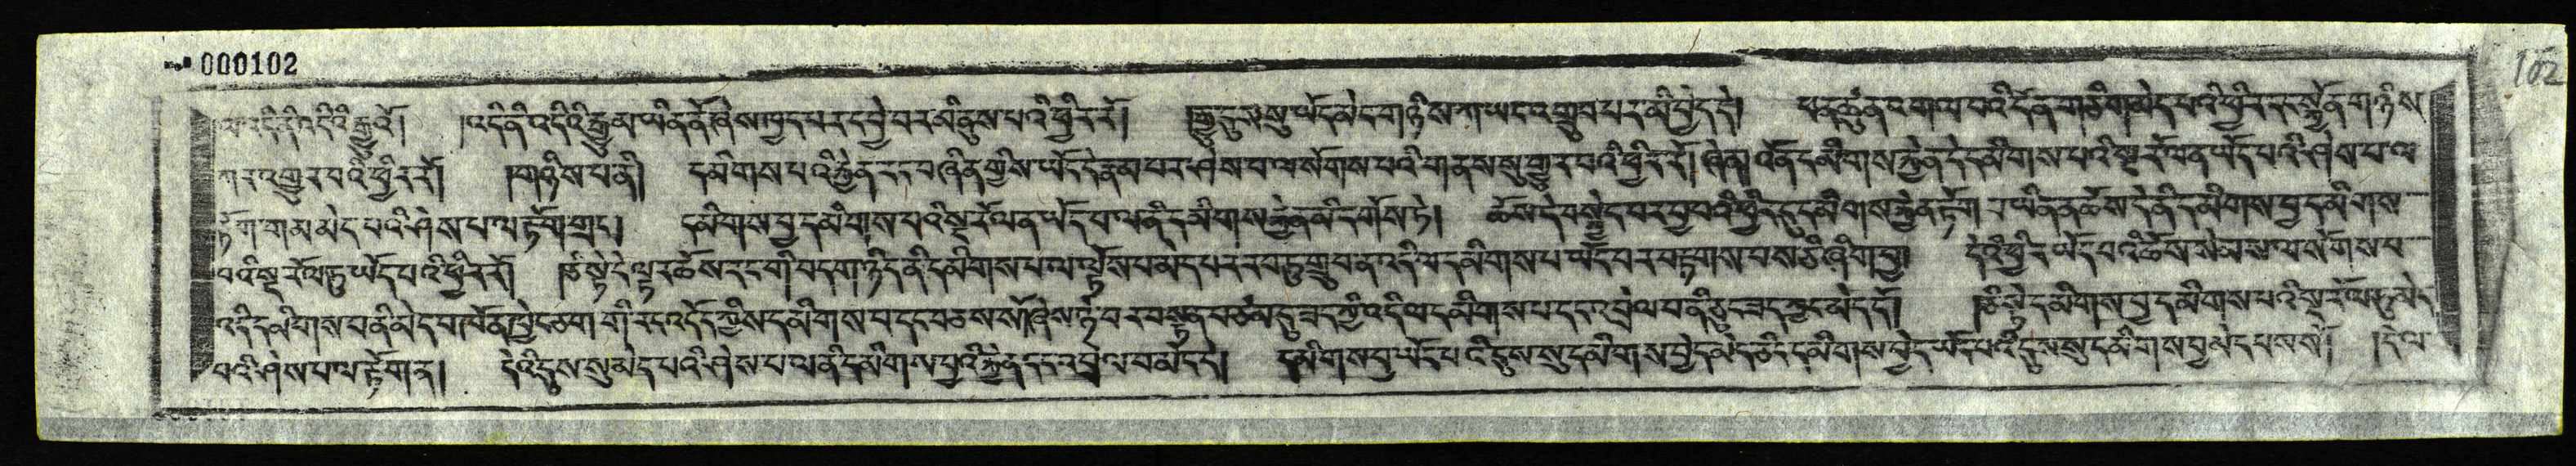ལ་འདི་ནི་འདིའི་རྒྱུའོ། །འདི་ནི་འདིའི་རྒྱུ་མ་ཡིན་ནོ་ཞེས་ཁྱད་པར་དབྱེ་བར་མི་ནུས་པའི་ཕྱིར་རོ། །རྒྱུ་དུས་སུ་ཡོད་མེད་གཉིས་ཀ་ཡང་འགྲུབ་པར་མི་བྱེད་དེ། ཕན་ཚུན་འགལ་བའི་དོན་གཅིག་མེད་པའི་ཕྱིར་དང་སྐྱོན་གཉིས་
ཀར་འགྱུར་བའི་ཕྱིར་རོ། །གཉིས་པ་ནི། དམིགས་པའི་རྐྱེན་རང་བཞིན་གྱིས་ཡོད་དེ་རྣམ་པར་ཤེས་པ་ལ་སོགས་པའི་གནས་སུ་གྱུར་པའི་ཕྱིར་རོ། ཞེ་ན། འོ་ན་དམིགས་རྐྱེན་དེ་དམིགས་པའི་སྔ་རོལ་ན་ཡོད་པའི་ཤེས་པ་ལ་
རྟོག་གམ་མེད་པའི་ཤེས་པ་ལ་རྟོག་གྲང་། དམིགས་བྱ་དམིགས་པའི་སྔ་རོལ་ན་ཡོད་པ་ལ་ནི་དམིགས་རྐྱེན་མི་དགོས་ཏེ། ཆོས་དེ་བསྐྱེད་པར་བྱ་བའི་ཕྱིར་དུ་དམིགས་རྐྱེན་རྟོག་པ་ཡིན་ན་ཆོས་དེ་ནི་དམིགས་བྱ་དམིགས་
པའི་སྔ་རོལ་ཏུ་ཡོད་པའི་ཕྱིར་རོ། །ཅི་སྟེ་དེ་ལྟར་ཆོས་རང་གི་བདག་ཉིད་ནི་དམིགས་པ་ལ་ལྟོས་པ་མེད་པར་རབ་ཏུ་གྲུབ་ན་འདི་ལ་དམིགས་པ་ཡོད་པར་བརྟགས་པས་ཅི་ཞིག་བྱ། དེའི་ཕྱིར་ཡོད་བའི་ཆོས་སེམས་ལ་སོགས་པ་
འདི་དམིགས་པ་ནི་མེད་པ་ཁོ་ན་ཁྱེད་ཅག་གི་རང་འདོད་ཀྱིས་དམིགས་པ་དང་བཅས་སོ། ཞེས་ཉེ་བར་བསྟན་པ་ཙམ་དུ་ཟད་ཀྱི་འདི་ལ་དམིགས་པ་དང་འབྲེལ་བ་ནི་ཅུང་ཟད་ཀྱང་མེད་དོ། །ཅི་སྟེ་དམིགས་བྱ་དམིགས་པའི་སྔ་རོལ་ཏུ་མེད་
པའི་ཤེས་པ་ལ་རྟོག་ན། དེའི་དུས་སུ་མེད་པའི་ཤེས་པ་ལ་ནི་དམིགས་བྱའི་རྐྱེན་དང་འབྲེལ་བ་མེད་དེ། དམིགས་པ་ཡོད་པའི་དུས་སུ་དམིགས་བྱེད་མེད་ཅིང་དམིགས་བྱེད་ཡོད་པའི་དུས་སུ་དམིགས་བྱ་མེད་པས་སོ། །དེ་ལ་
ཕ༹་